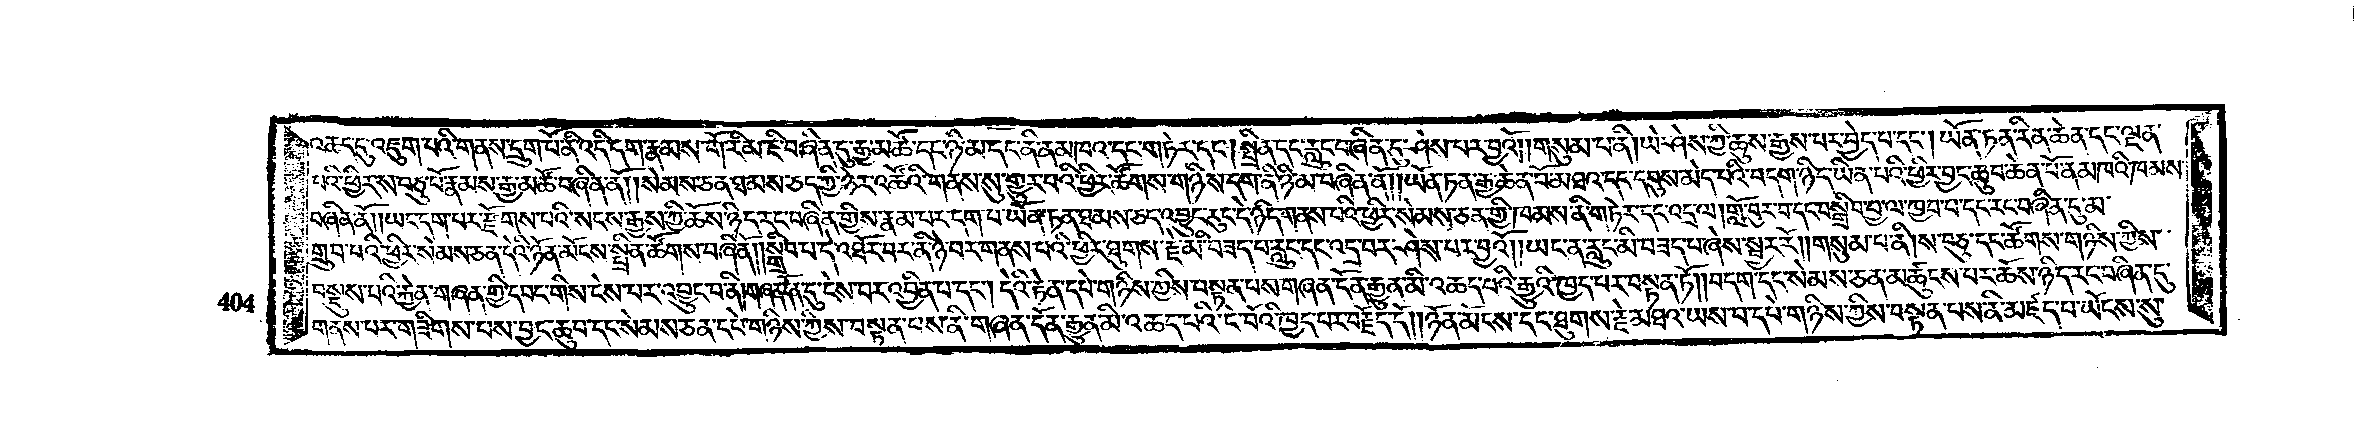འཆད་དུ་འཇུག་པའི་གནས་དྲུག་པོ་ནི་འདི་དག་རྣམས་གོ་རིམ་ཇི་བཞིན་དུ་རྒྱ་མཚོ་དང་ཉི་མ་དང་ནི་ནམ་མཁའ་དང་གཏེར་དང་། སྤྲིན་དང་རླུང་བཞིན་དུ་ཤེས་པར་བྱའོ། །གསུམ་པ་ནི། ཡེ་ཤེས་ཀྱི་ཆུས་རྒྱས་པར་བྱེད་པ་དང་། ཡོན་ཏན་རིན་ཆེན་དང་ལྡན་
པའི་ཕྱིར་ས་བཅུ་པོ་རྣམས་རྒྱ་མཚོ་བཞིན་ནོ། །སེམས་ཅན་ཐམས་ཅད་ཀྱི་ཉེར་འཚོའི་གནས་སུ་གྱུར་པའི་ཕྱིར་ཚོགས་གཉིས་དག་ནི་ཉི་མ་བཞིན་ནོ། །ཡོན་ཏན་རྒྱ་ཆེན་པོ་མཐའ་དང་དབུས་མེད་པའི་བདག་ཉིད་ཡིན་པའི་ཕྱིར་བྱང་ཆུབ་ཆེན་པོ་ནམ་མཁའི་ཁམས་
བཞིན་ནོ། །ཡང་དག་པར་རྫོགས་པའི་སངས་རྒྱས་ཀྱི་ཆོས་ཉིད་རང་བཞིན་གྱིས་རྣམ་པར་དག་པ་ཡོན་ཏན་ཐམས་ཅད་འབྱུང་རུང་དེ་ཉིད་གནས་པའི་ཕྱིར་སེམས་ཅན་གྱི་ཁམས་ནི་གཏེར་དང་འདྲ་ལ། གློ་བུར་བ་དང་བསྒྲིབ་བྱ་ལ་ཁྱབ་པ་དང་རང་བཞིན་དུ་མ་
གྲུབ་པའི་ཕྱིར་སེམས་ཅན་དེའི་ཉོན་མོངས་སྤྲིན་ཚོགས་བཞིན་ནོ། །སྒྲིབ་པ་དེ་འཐོར་བར་ནི་ཉེ་བར་གནས་པའི་ཕྱིར་ཐུགས་རྗེ་མི་བཟད་པ་རླུང་དང་འདྲ་བར་ཤེས་པར་བྱའོ། །ཡང་ན་རླུང་མི་བཟད་པ་ཞེས་སྦྱར་རོ། །གསུམ་པ་ནི། ས་བཅུ་དང་ཚོགས་གཉིས་ཀྱིས་
བསྡུས་པའི་རྐྱེན་གཞན་གྱི་དབང་གིས་ངེས་པར་འབྱུང་བ་ནི། གཞན་དོན་དུ་ངེས་པར་འབྱིན་པ་དང་། དེའི་རྟེན་དཔེ་གཉིས་ཀྱིས་བསྟན་པས་གཞན་དོན་རྒྱུན་མི་འཆད་པའི་རྒྱུའི་ཁྱད་པར་བསྟན་ཏོ། །བདག་དང་སེམས་ཅན་མཚུངས་པར་ཆོས་ཉིད་རང་བཞིན་དུ་
གནས་པར་གཟིགས་པས་བྱང་ཆུབ་དང་སེམས་ཅན་དཔེ་གཉིས་ཀྱིས་བསྟན་པས་ནི་གཞན་དོན་རྒྱུན་མི་འཆད་པའི་ངོ་བོའི་ཁྱད་པར་བརྗོད་དོ། །ཉོན་མོངས་དང་ཐུགས་རྗེ་མཐའ་ཡས་པ་དཔེ་གཉིས་ཀྱིས་བསྟན་པས་ནི་མཛད་པ་ཡོངས་སུ་